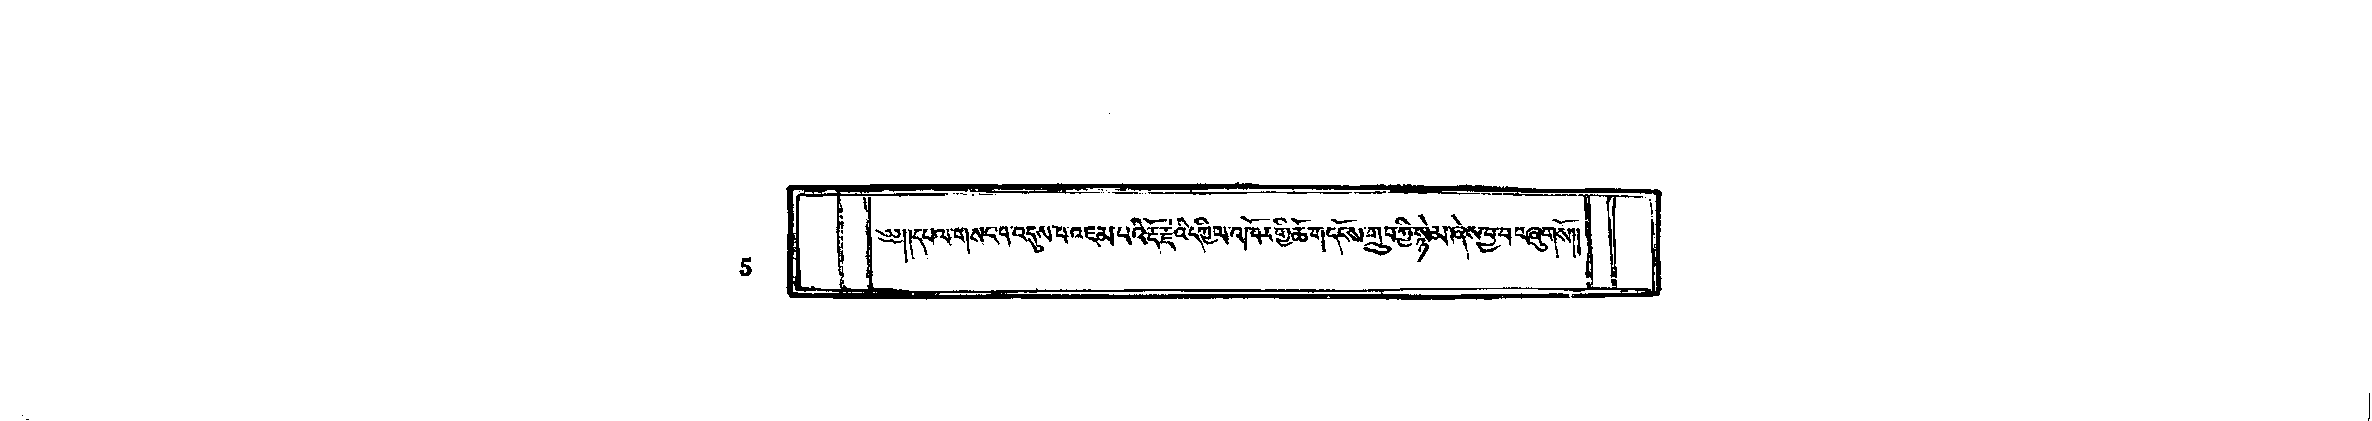༄༅། །དཔལ་གསང་བ་འདུས་པ་འཇམ་པའི་རྡོ་རྗེའི་དཀྱིལ་འཁོར་གྱི་ཆོ་ག་དངོས་གྲུབ་ཀྱི་སྙེ་མ་ཞེས་བྱ་བ་བཞུགས་སོ། །